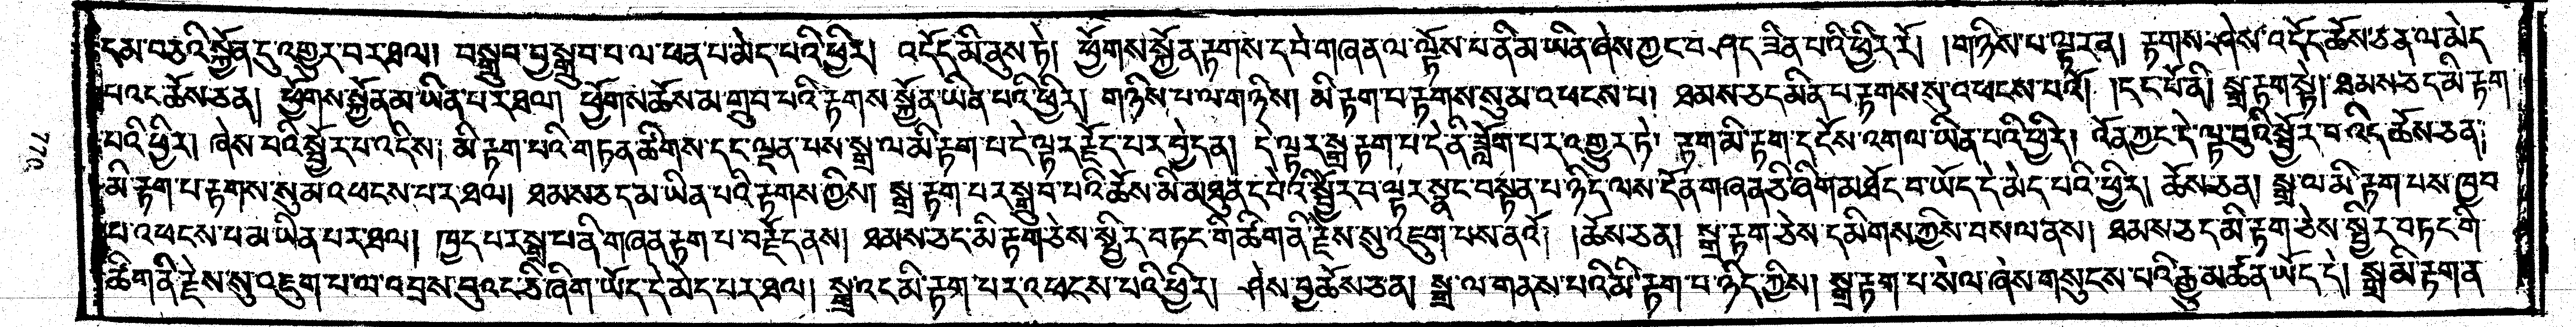དམ་བཅའི་སྐྱོན་དུ་འགྱུར་བར་ཐལ། བསྒྲུབ་བྱ་སྒྲུབ་པ་ལ་ཕན་པ་མེད་པའི་ཕྱིར། འདོད་མི་ནུས་ཏེ། ཕྱོགས་སྐྱོན་རྟགས་དཔེ་གཞན་ལ་ལྟོས་པ་ནི་མ་ཡིན་ཞེས་ཀྱང་བཤད་ཟིན་པའི་ཕྱིར་རོ། །གཉིས་པ་ལྟར་ན། རྟགས་ཤེས་འདོད་ཆོས་ཅན་ལ་མེད་
པའང་ཆོས་ཅན། ཕྱོགས་སྐྱོན་མ་ཡིན་པར་ཐལ། ཕྱོགས་ཆོས་མ་གྲུབ་པའི་རྟགས་སྐྱོན་ཡིན་པའི་ཕྱིར། གཉིས་པ་ལ་གཉིས། མི་རྟག་པ་རྟགས་སུ་མ་འཕངས་པ། ཐམས་ཅད་མིན་པ་རྟགས་སུ་འཕངས་པའོ། །དང་པོ་ནི། སྒྲ་རྟགས་སྟེ། ཐམས་ཅད་མི་རྟག་
པའི་ཕྱིར། ཞེས་པའི་སྦྱོར་བ་འདིས། མི་རྟག་པའི་གཏན་ཚིགས་དང་ལྡན་པས་སྒྲ་ལ་མི་རྟག་པ་དེ་ལྟར་རྗོད་པར་བྱེད་ན། དེ་ལྟར་སྒྲ་རྟག་པ་དེ་ནི་ཟློག་པར་འགྱུར་ཏེ། རྟག་མི་རྟག་དངོས་འགལ་ཡིན་པའི་ཕྱིར། འོན་ཀྱང་དེ་ལྟ་བུའི་སྦྱོར་བ་འདི་ཆོས་ཅན།
མི་རྟག་པ་རྟགས་སུ་མ་འཕངས་པར་ཐལ། ཐམས་ཅད་མ་ཡིན་པའི་རྟགས་ཀྱིས། སྒྲ་རྟགས་པར་སྒྲུབ་པའི་ཆོས་མི་མཐུན་དཔེའི་སྦྱོར་བ་ལྟར་སྣང་བསྟན་པ་ཉིད་ལས་དོན་གཞན་ཅི་ཞིག་མཐོང་བ་ཡོད་དེ་མེད་པའི་ཕྱིར། ཆོས་ཅན། སྒྲ་ལ་མི་རྟག་པས་ཁྱབ་
པ་འཕངས་པ་མ་ཡིན་པར་ཐལ། ཁྱད་པར་སྒྲ་པ་ནི་གཞན་རྟག་པ་བརྗོད་ནས། ཐམས་ཅད་མི་རྟག་ཅེས་སྦྱིར་བཏགས་གི་ཚིག་ནི་རྗེས་སུ་འཇུག་པས་ནའོ། །ཆོས་ཅན། སྒྲ་རྟགས་ཅེས་དམིགས་ཀྱིས་བསལ་ནས། ཐམས་ཅད་མི་རྟག་ཅེས་སྦྱིར་བཏང་གི་
ཚིག་ནི་རྗེས་སུ་འཇུག་པ་ལ་འབྲས་བུའང་ཅི་ཞིག་ཡོད་དེ་མེད་པར་ཐལ། སྒྲའང་མི་རྟག་པར་འཕངས་པའི་ཕྱིར། ཤེས་བྱ་ཆོས་ཅན། སྒྲ་ལ་གནས་པའི་མི་རྟག་པ་ཉིད་ཀྱིས། སྒྲ་རྟག་པས་སེལ་ཞེས་གསུངས་པའི་རྒྱུ་མཚན་ཡོད་དེ། སྒྲ་མི་རྟག་ན་